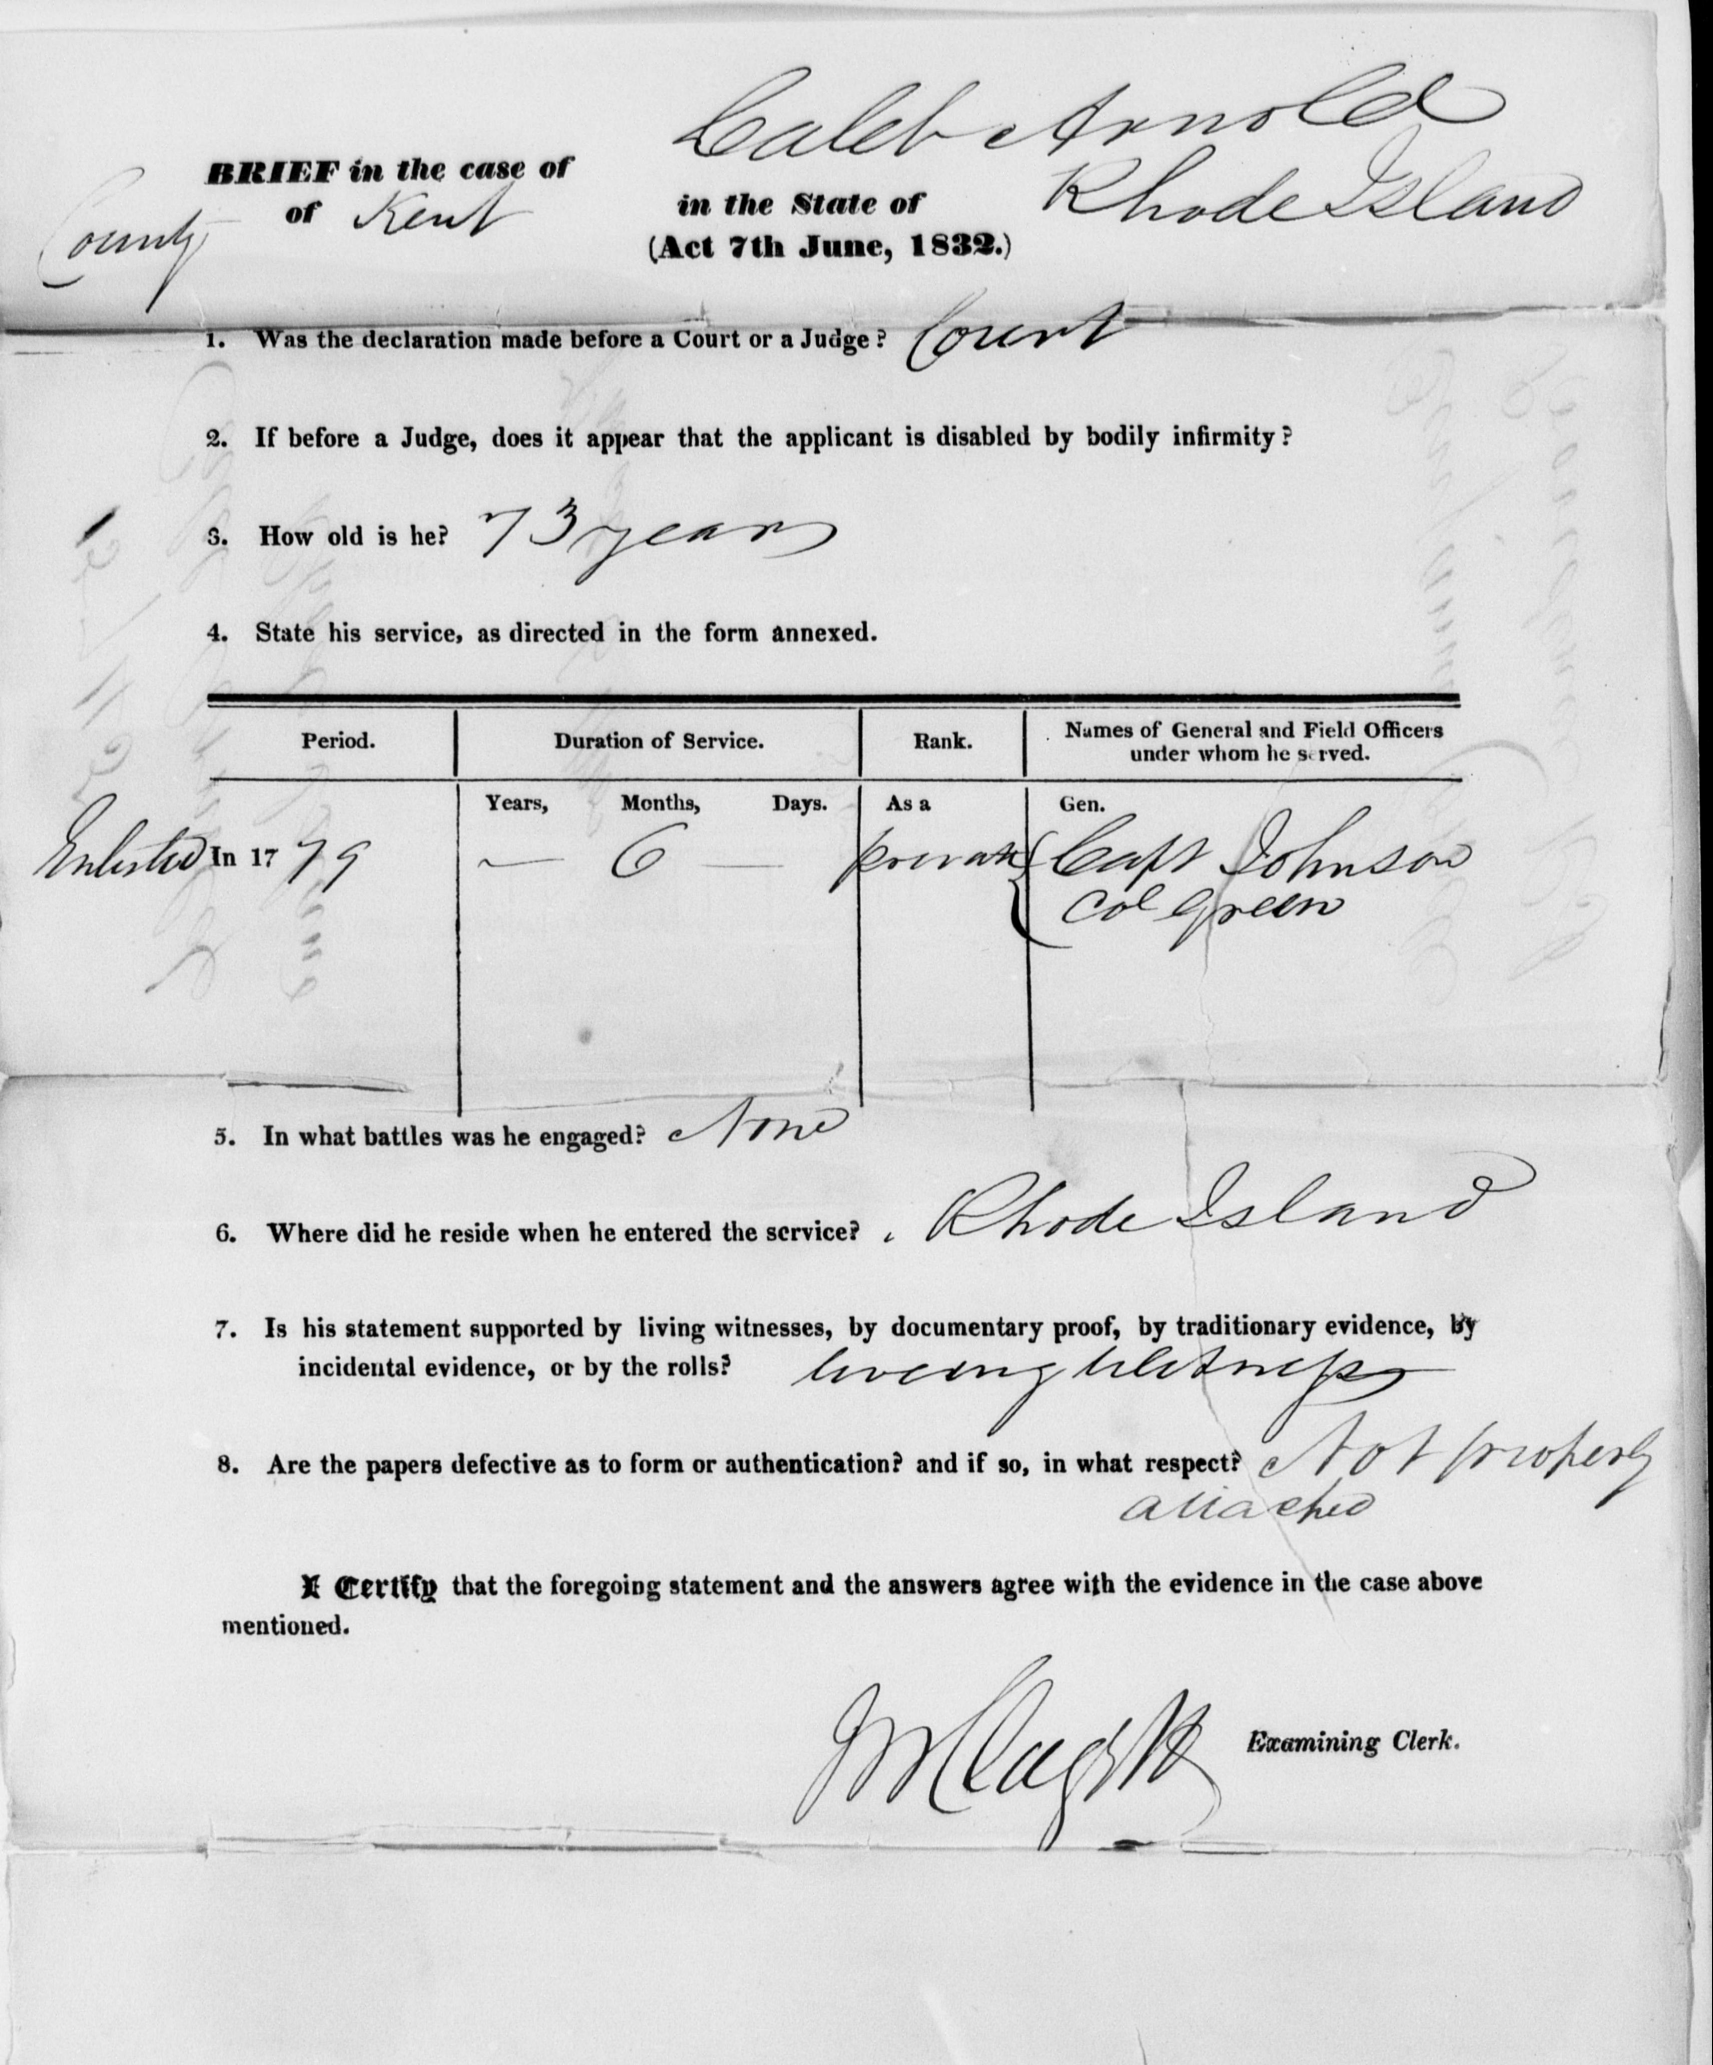BRIEF in the case of Caleb Arnold County of Kent in the State of Rhode Island (Act 7th June, 1832.)
1. Was the declaration made before a Court or a Judge? [handwritten] Court
2. If before a Judge, does it appear that the applicant is disabled by bodily infirmity?
3. How old is he? [handwritten] 73 years
4. State his service, as directed in the form annexed.
[table column headings: Period. Duration of Service. Rank. Names of General and Field Officers under whom he served. Column subheadings: Years, Months, Days. As a Gen.]
Enlisted in 1779 - 6- private Capt Johnson Col Green
5. In what battles was he engaged? [handwritten] None
6. Where did he reside when he entered the service? [handwritten] Rhode Island
7. Is his statement supported by living witnesses, by documentary proof, by traditionary evidence, by incidental evidence, or by the rolls?
[handwritten] living witnesses
8. Are the papers defective as to form or authentication? and if so, in what respect? [handwritten] Not properly attached
[symbol] Certify that the foregoing statement and the answers agree with the evidence in the case above mentioned.
[signed] JW Clagett Examining Clerk.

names: J W Clagett, Caleb Arnold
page: 6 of 29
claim: widow's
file: W. 2582, Caleb Arnold, R.I.